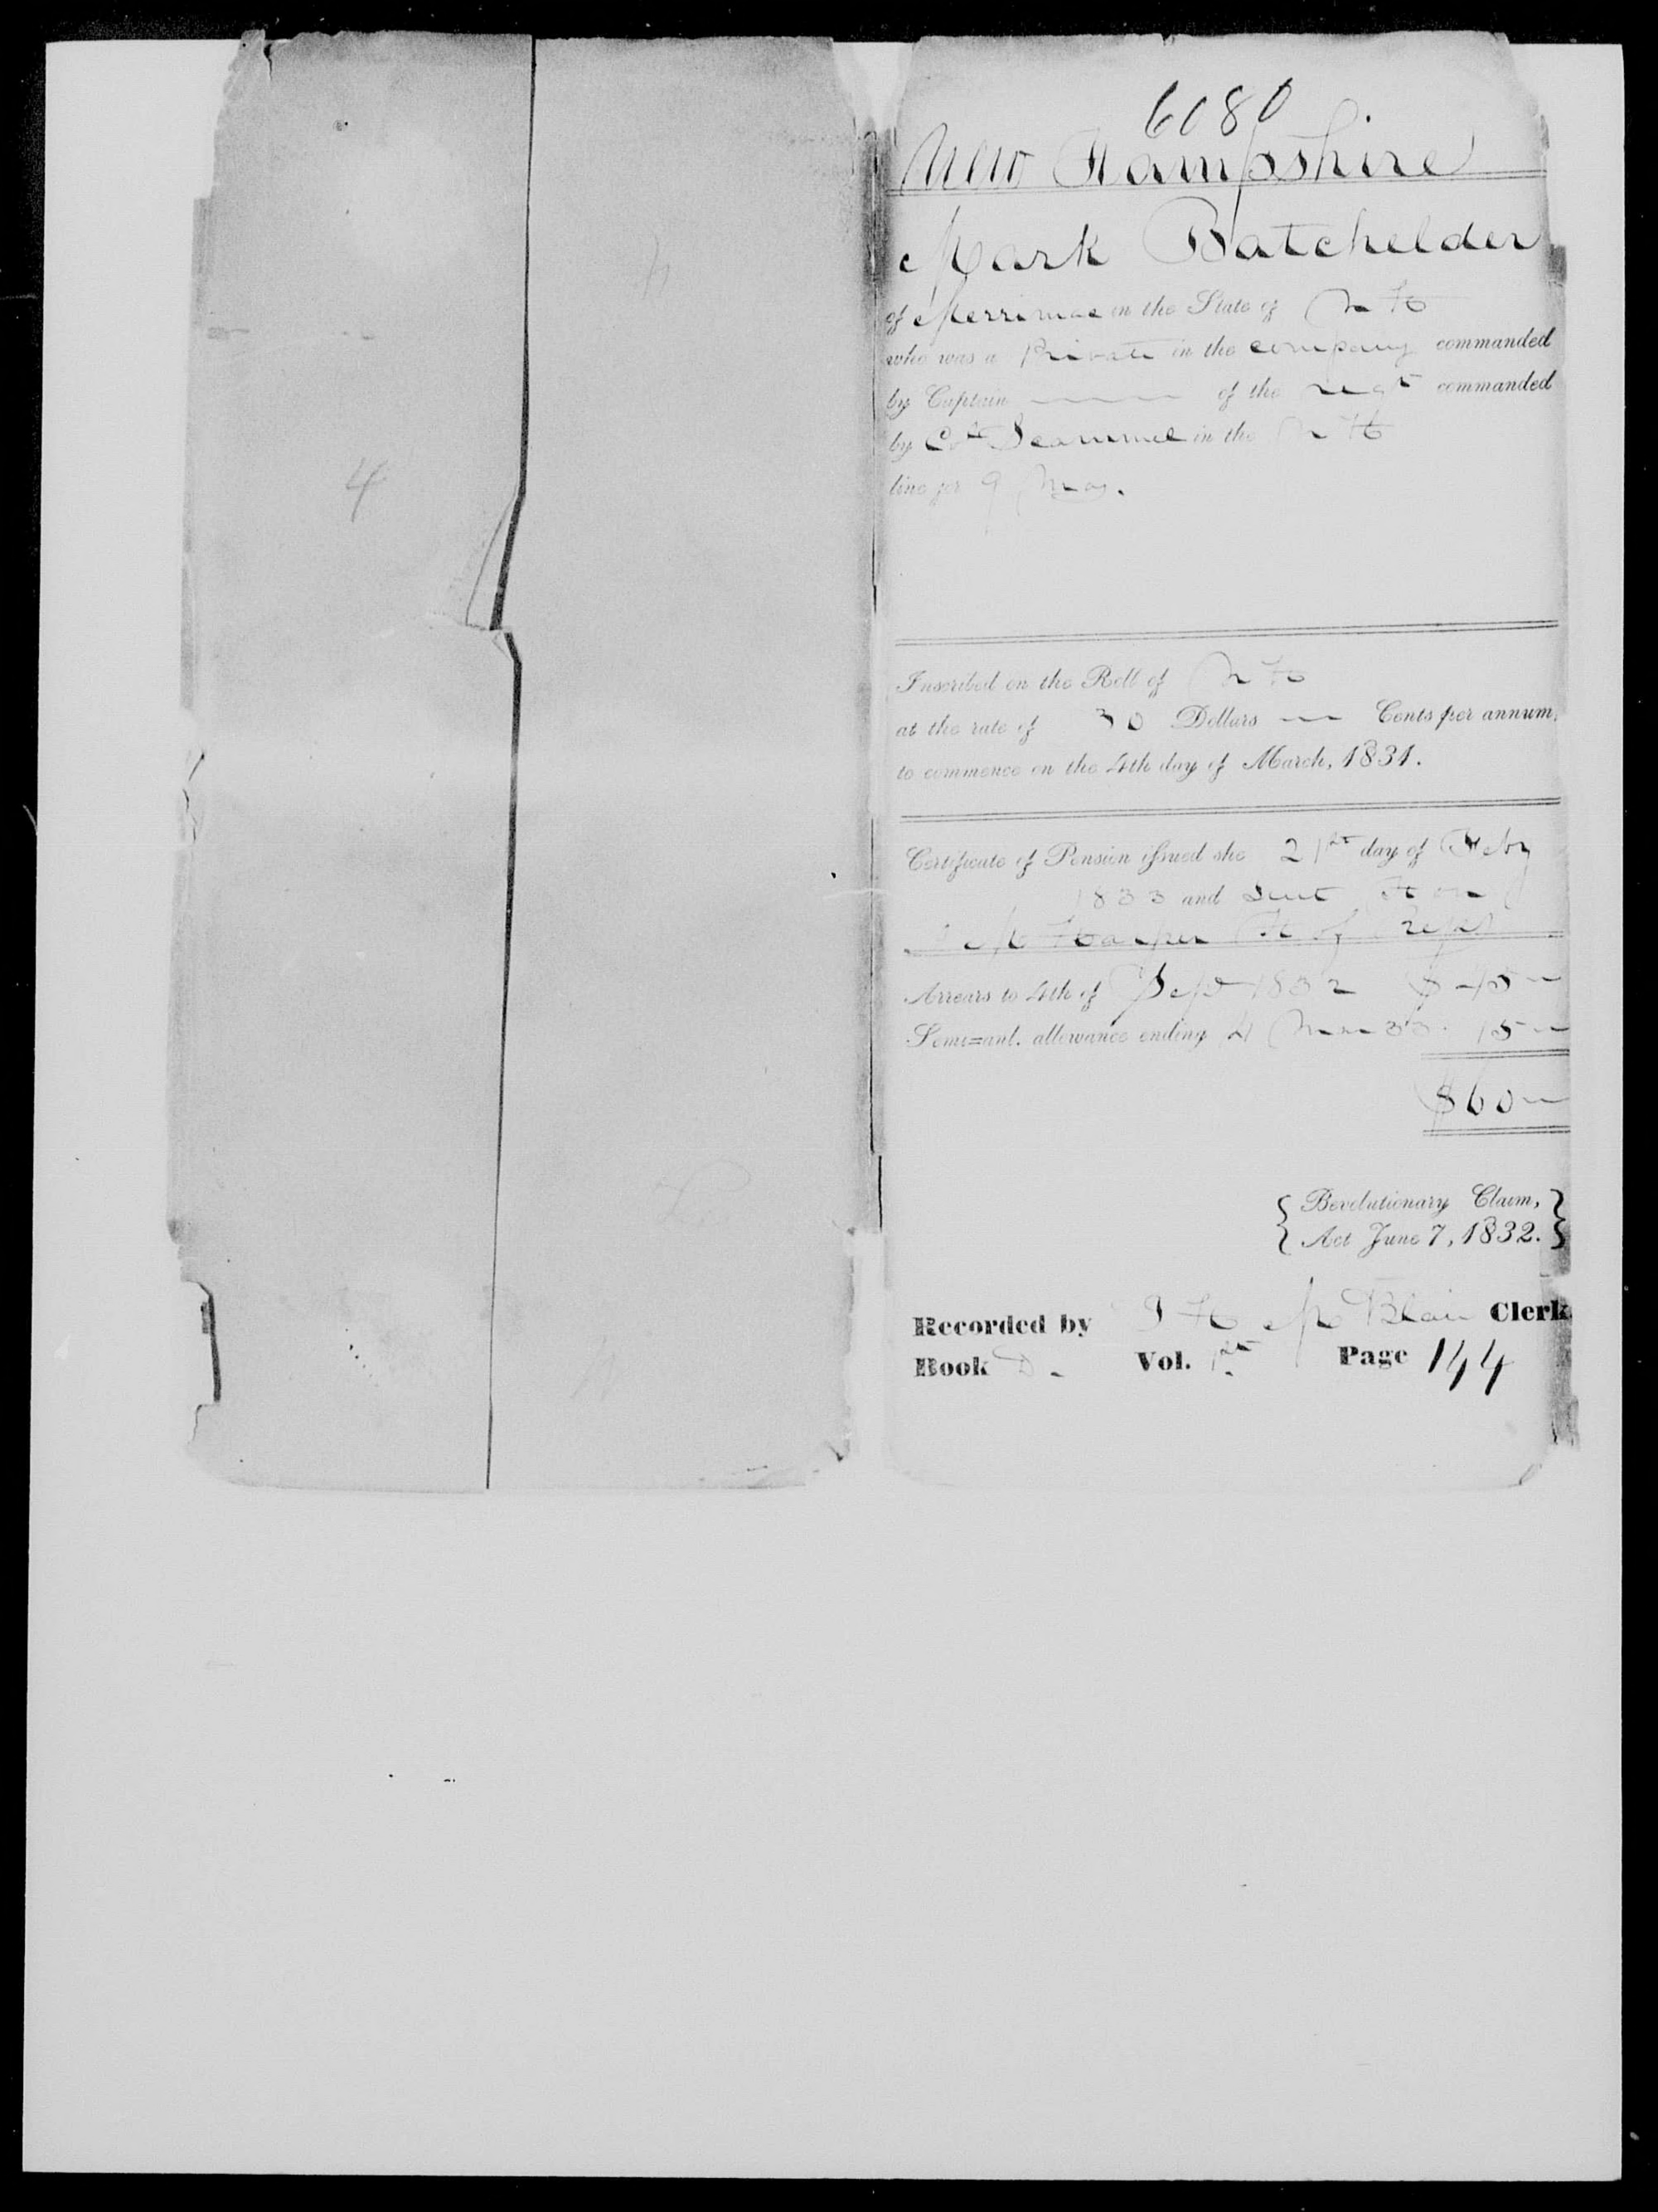6080

New Hampshire
Mark Batchelder
of Merrimas in the State of  [illegible]
who was a Private in the company commanded by Captain ---- of the regt commanded by C Scammel in the [illegible]
line for 9 May.

Inscribed on the Roll of [illegible]
at the rate of 30 Dollars -*- Cents per annum,
to commence on the 4th day of March, 1831.

Certificate of Pension issued the 21st day of Febry 1833 and Sent to [illegible]

Arrears to 4th of Sept 1832

Semi=anl. allowance ending 4 Mar 33

$45 --
$15--
$60--

{Revolutionary Claim,
Act June 7, 1832.}

Jean 

Recorded by [illegible] Blain {or Blair} Clerk
Book  [illegible]
Vol. 1 [illegible]
Page 144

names: Scammel, Mark Batchelder, J M Harper, J H Mc Blair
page: 2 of 11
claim: survivor's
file: S. 15302, Mark Batchelder, N. H